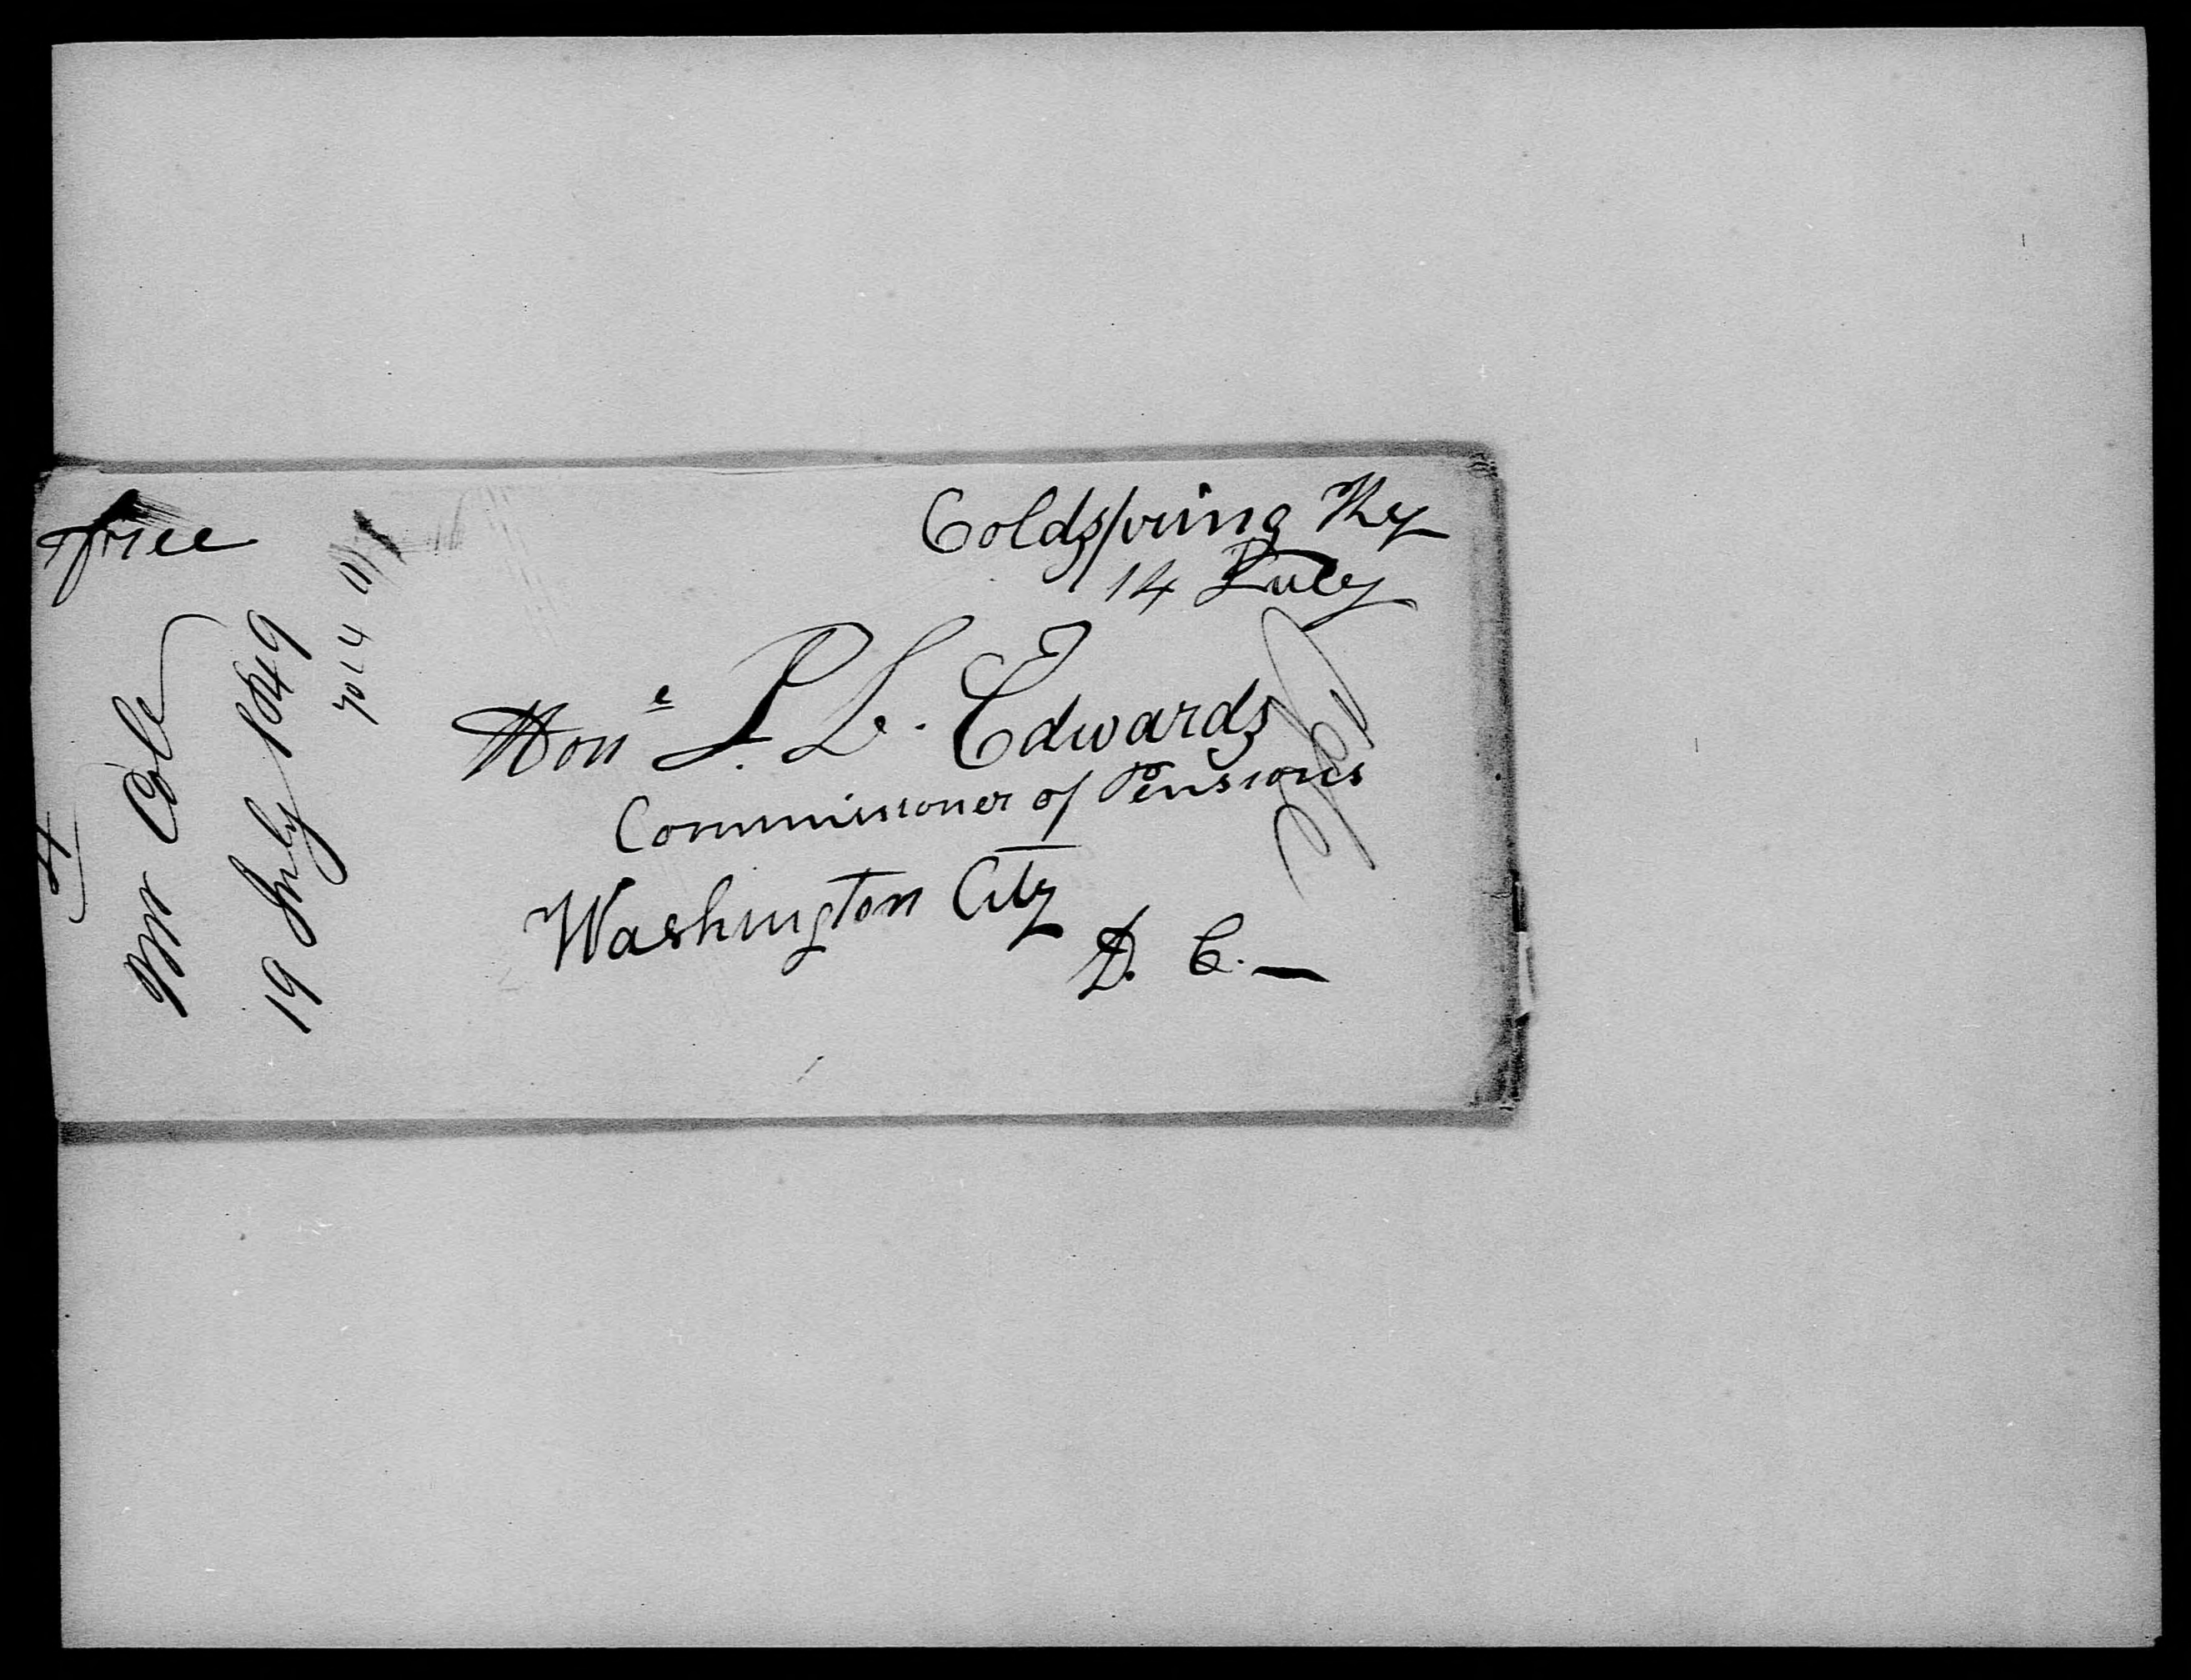Image 86        image 4160873_00086                
Fold3 File #23857252

free     Coldspring Ky  14 July   Hon J. L. Edwards Commissioner of Pensions   Washington City D.C.
[Sidebar]  4 Mr. Cole   19 July 1849 7014 11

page: 28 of 71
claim: widow's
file: W. 8428, for James Mc Gill, Pennsylvania